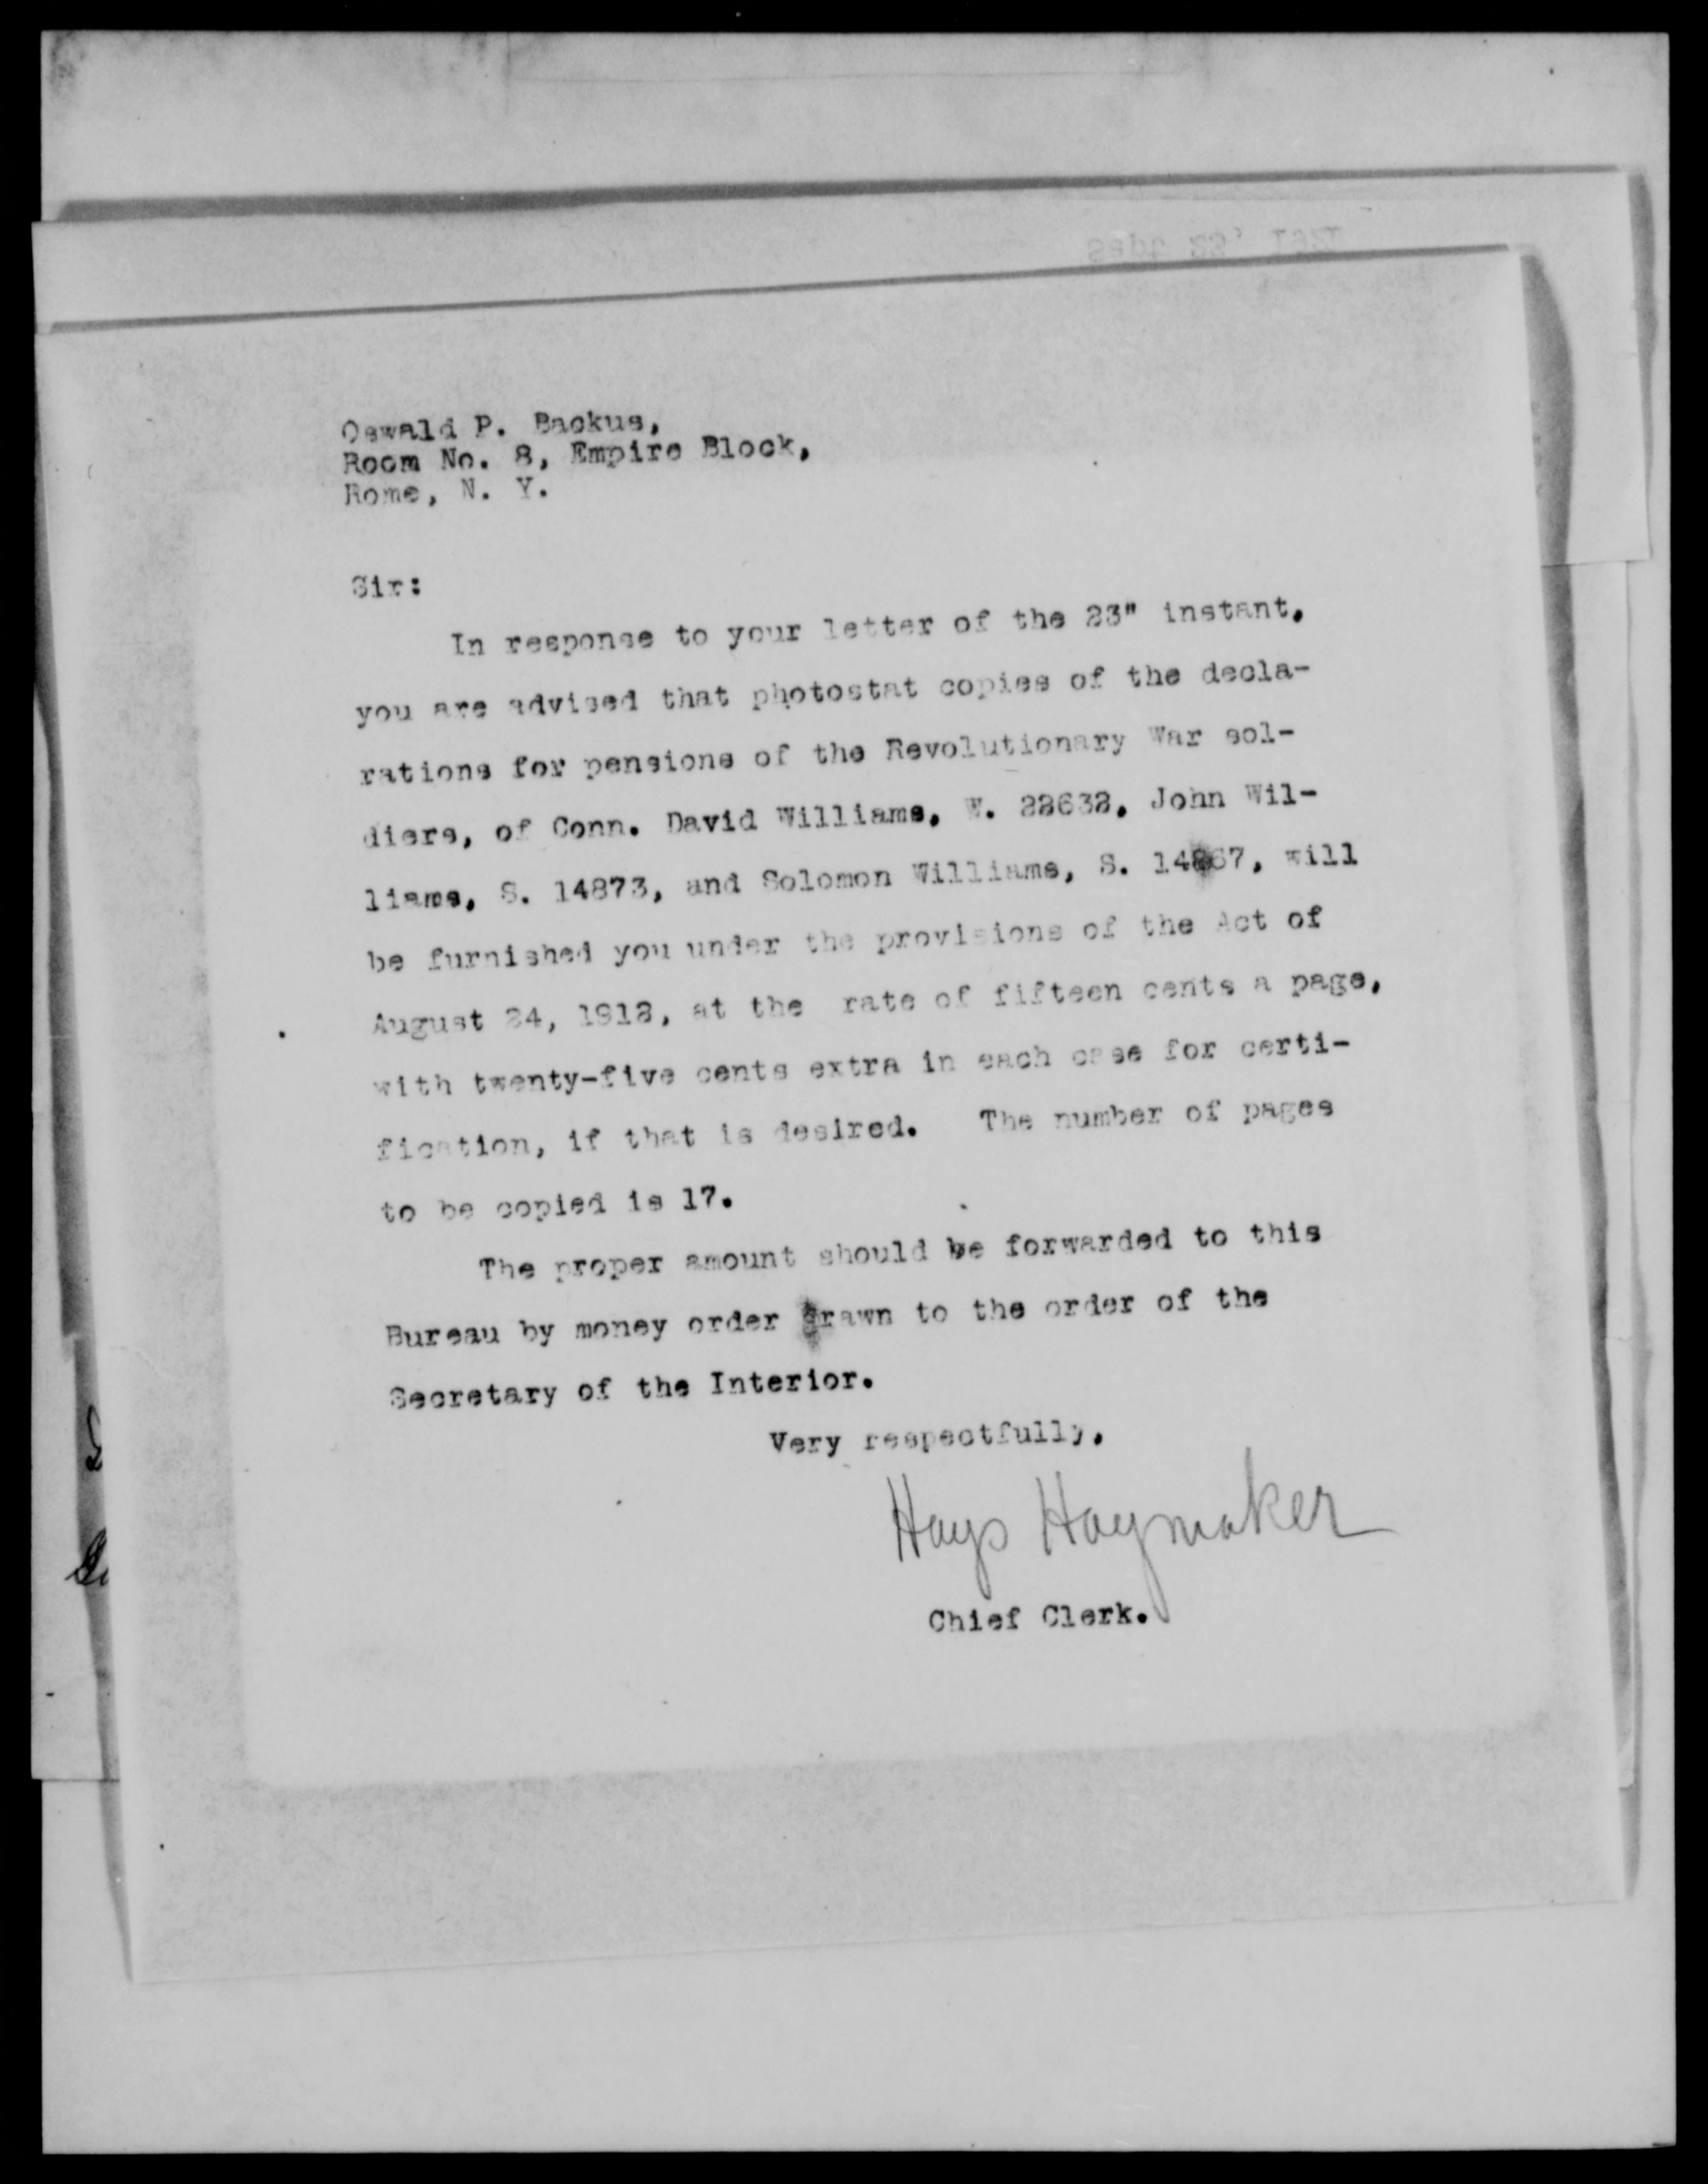Oswald P. Backus,
Room No. 8, Empire Block,
Rome, N. Y.

Sir:
In response to your letter of the 23" instant, you are advised that photostat copies of the declarations for pensions of the Revolutionary War soldiers, of Conn. David Williams. E. 22632, John Williams, S. 14873, and Solomon Williams, S. 14867, will be furnished you under the provisions of the Act of August 24, 1918, at the rate of fifteen cents a page, with twenty-five cents extra in each case for certification, if that is desired.  The number of pages to be copied is 17.
The proper amount should be forwarded to this Bureau by money order drawn to the order of the Secretary of the Interior.
Very respectfully,
Hays Haymaker
Chief Clerk.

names: Hays Haymaker, David Williams, Solomon Williams, Oswald P Backus, John Williams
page: 52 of 63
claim: widow's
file: W. 22,632, David Williams, Conn. Continental Privateer